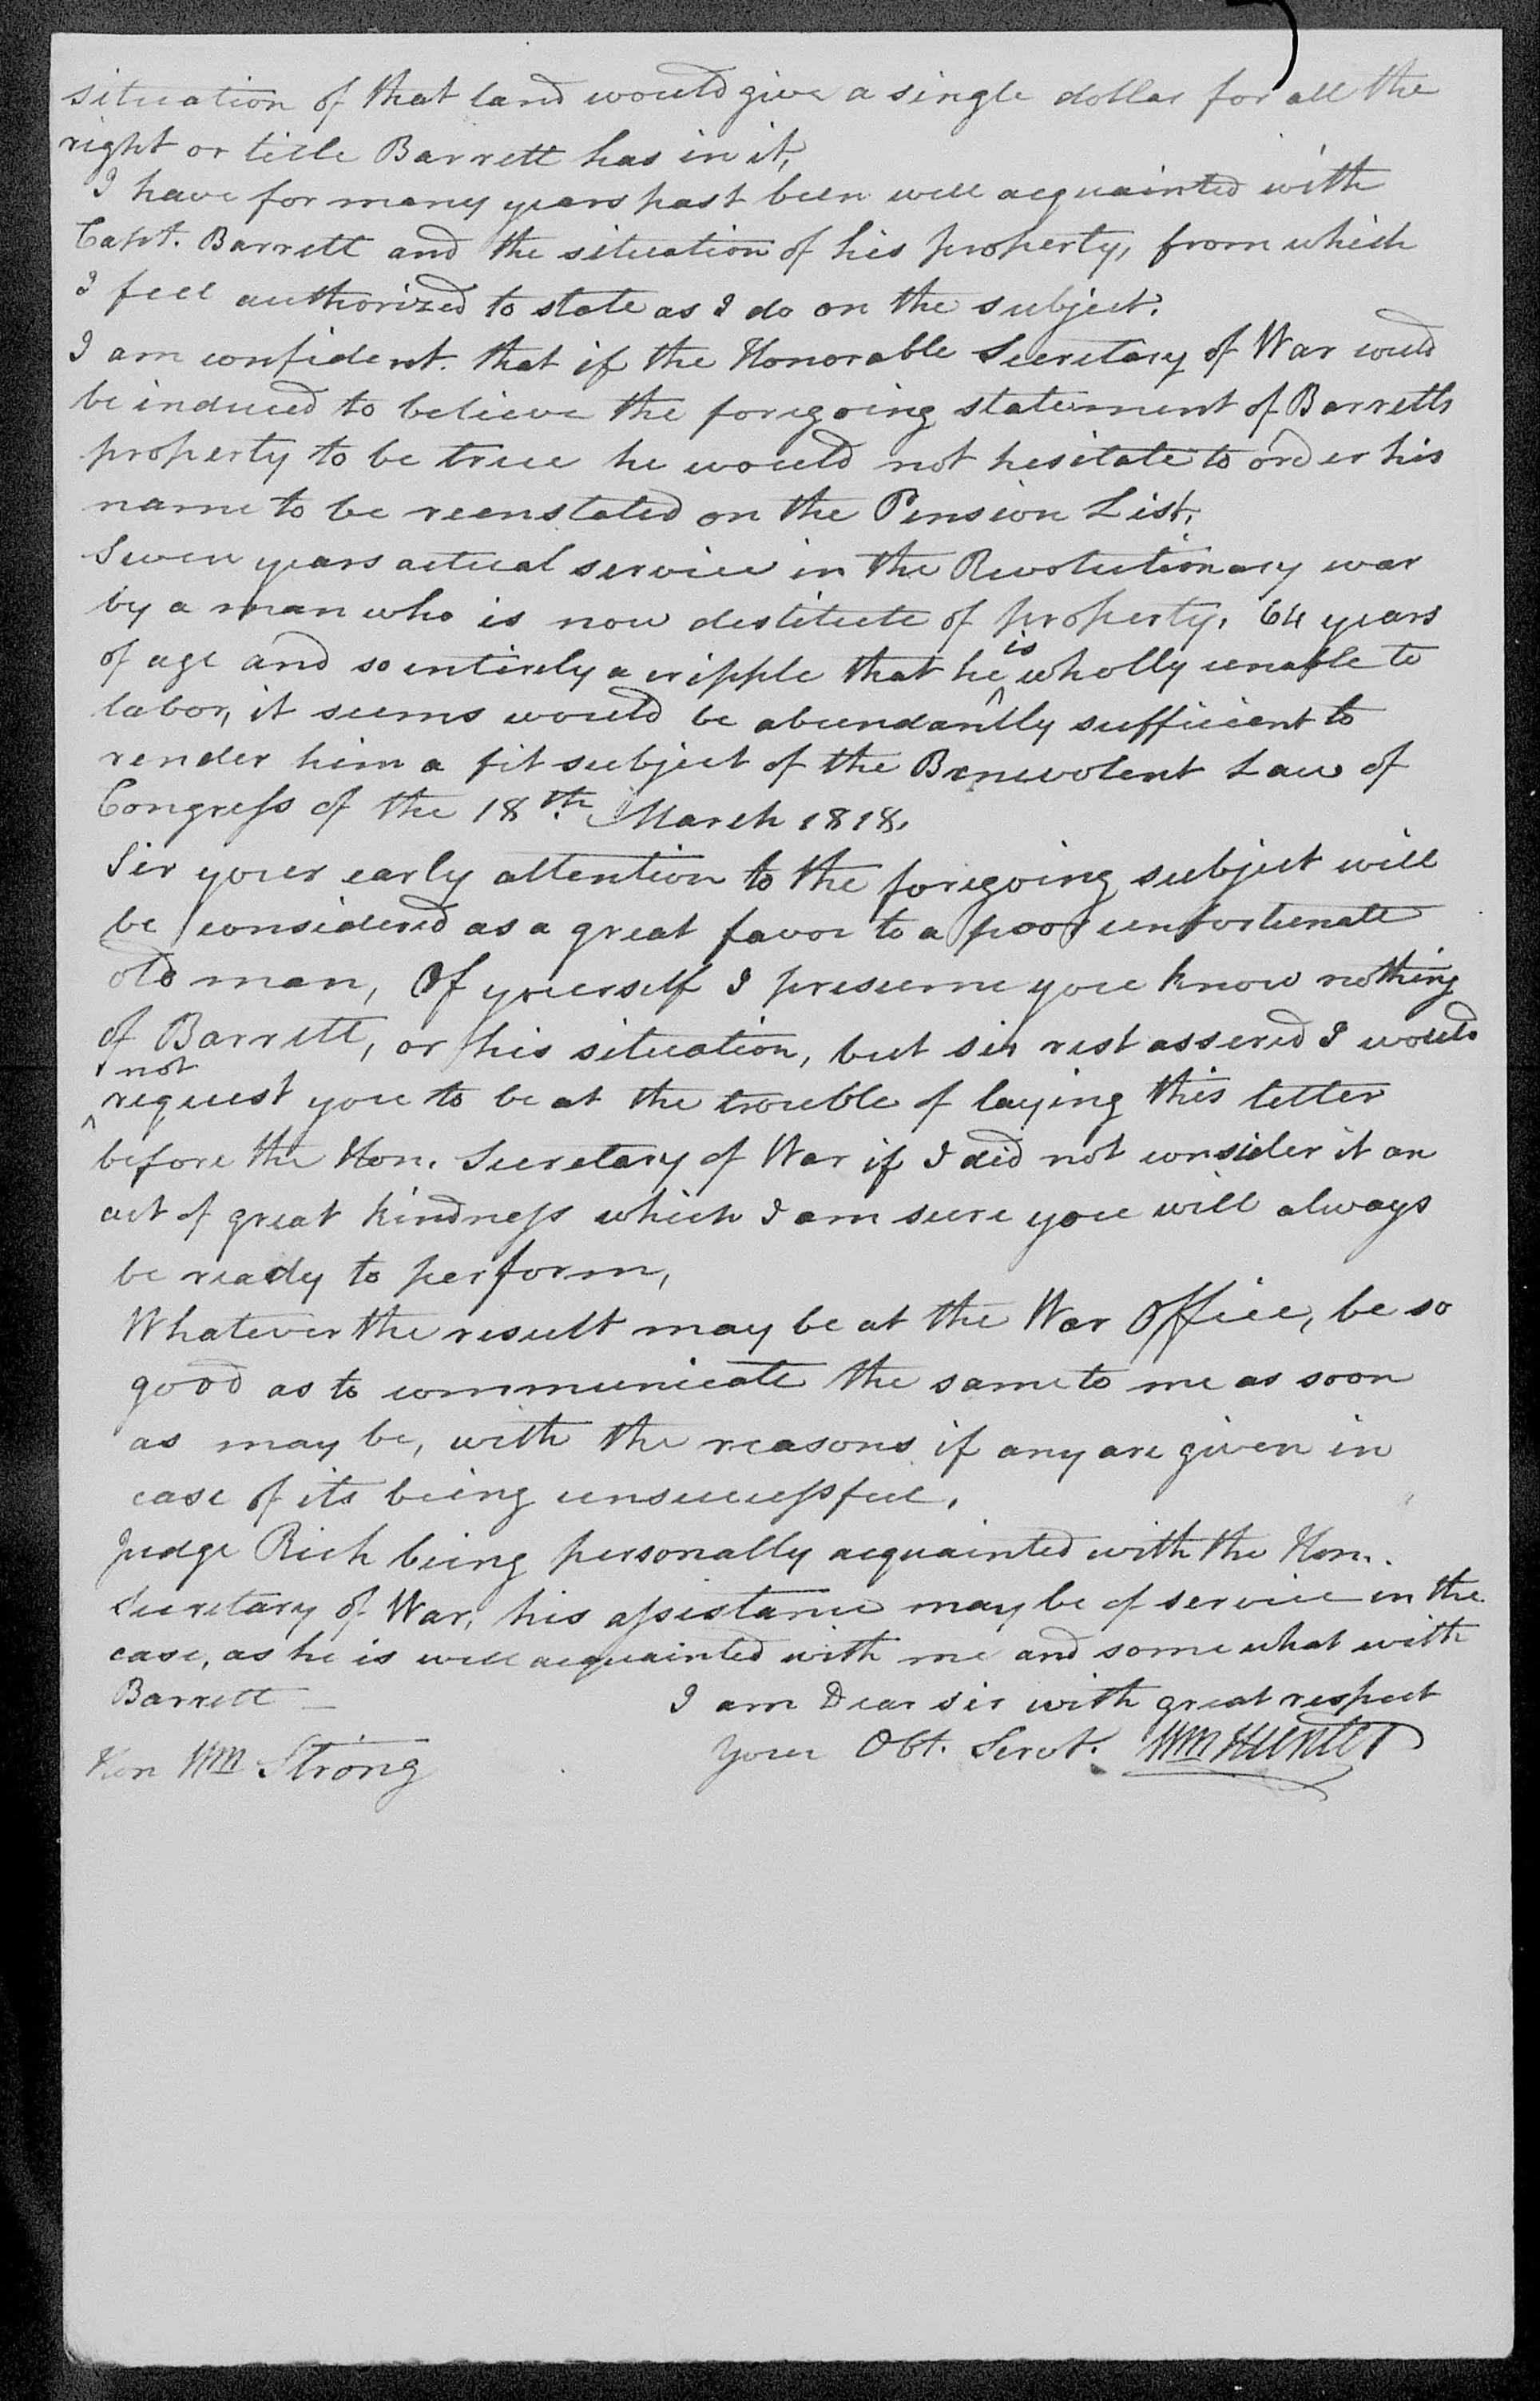situation of that land would give a single dollar for all the right or title Barrett has in it. 
I have for many years been well acquainted with Capt. Barrett and the situation of his property, from which I feel authorized to state as I do on the subject. 
I am confident that if the honorable Secretary of War could be induced to believe the foregoing statement of Barrett's property to be true he would not hesitate to order his name to be reinstated on the Pension list. 
Seven years actual service in the Revolutionary War by a man who is now destitute of property, 64 years of age and so entirely a cripple that he is wholly unable to labor, it seems would be abundantly sufficient to render him a fit subject of the Benevolent Law of Congress of the 18th March 1818.
Sir your early attention to the foregoing subject will be considered as a great favor to a poor unfortunate old man, of yourself, I presume you know nothing of Barrett, or his situation, bur sir rest assured I would not request you to be at the trouble of laying this letter before the Hon. Secretary of War if I did not consider it an act of great kindness which I am sure you will always be ready to perform. 
Whatever the result may be at the War Office, be so good as to communicate the same to me as soon as may be, with the reasons if any are given in case of its being unsuccessful. 
Judge Rich being personally acquainted with the Hon. Secretary of War, his assistance may be of service in the case, as he is well acquainted with me and some what acquainted with Barnett.
I am Dear sir with great respect
Your Obt. Servt. Wm Hunter

Hon. Wm Strong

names: Barrett, Wm Hunter, Barrett, Barrett, Barrett, Barrett, Wm Strong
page: 23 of 83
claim: widow's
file: W. 10,384, Oliver Barrett, Continental (Vt.) N.Y.